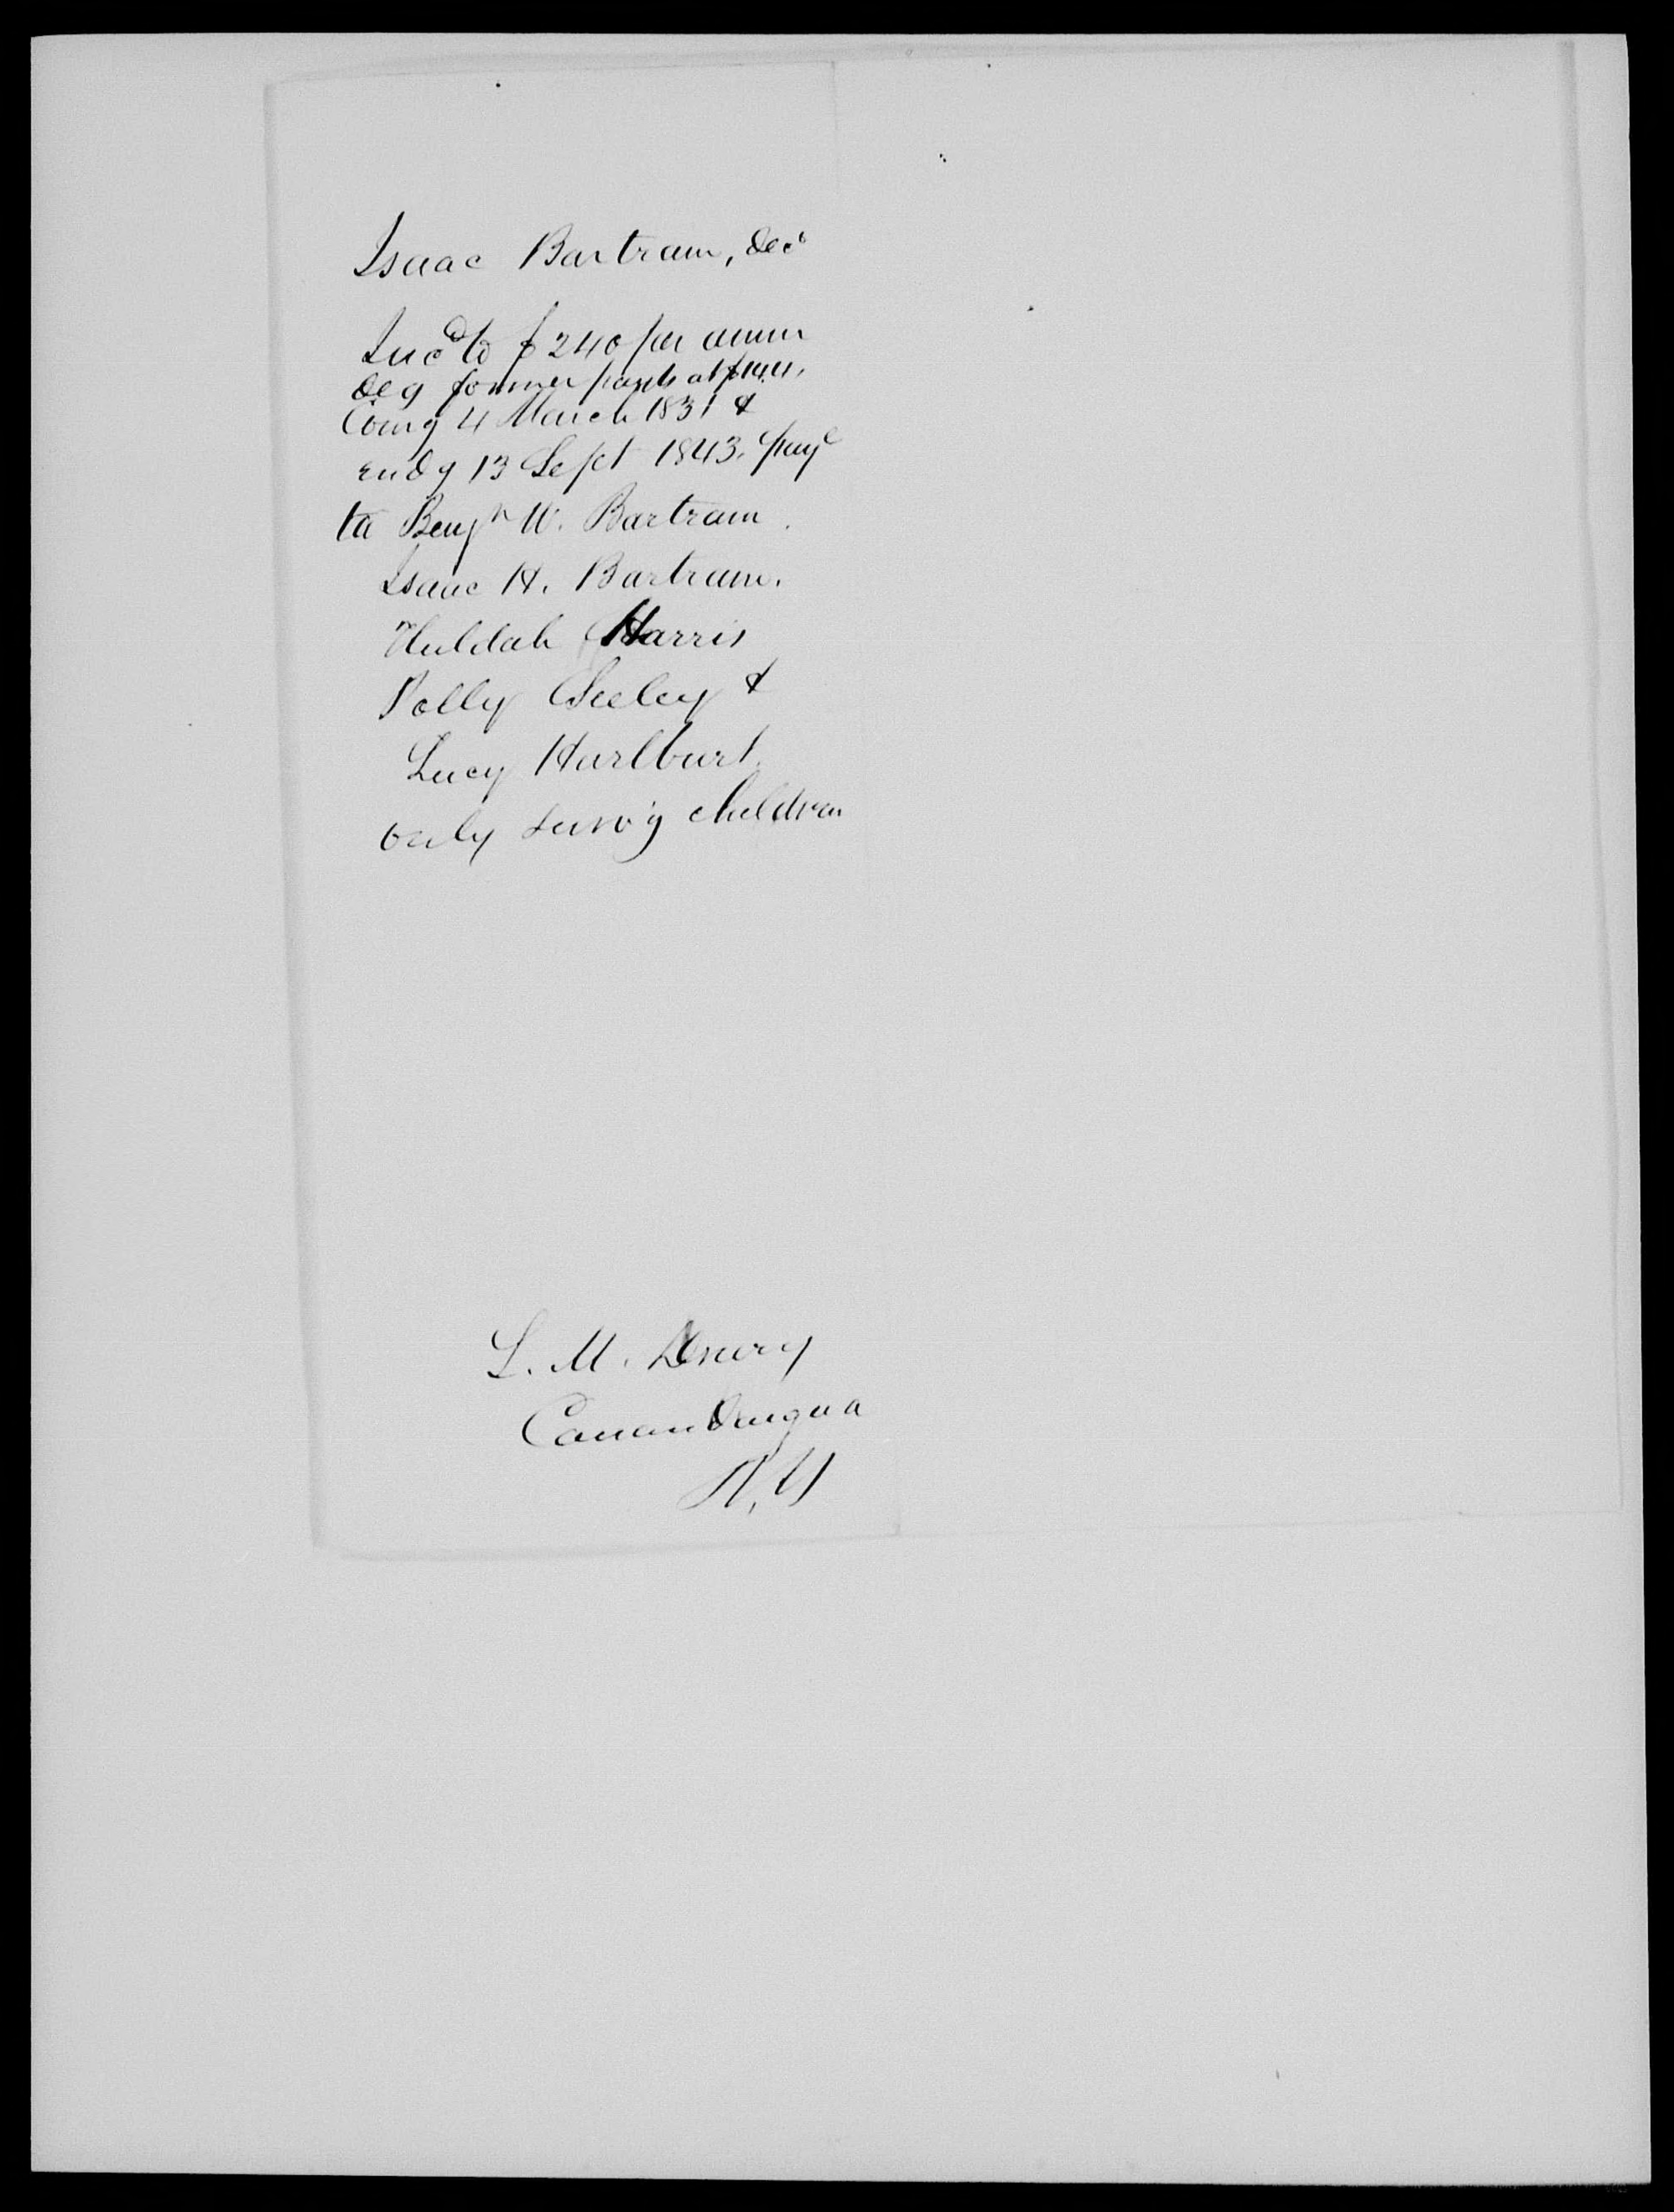Isaac Bartram, decd
Lucd to $240 per annu
deg former parts at $14.41
Comg 4 March 1831 &
endg 13 Sept 1843. payd
to Benjn W Bartram
Isaac H. Bartram
Huldah Harris
Polly Seeley &
Lucy Hurlburt
only surviving children
L.M. Drury
Canandaigua
N.Y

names: Polly Seeley, Benjn W Bartram, Huldah Harris, Isaac Bartram, Lucy Hurlburt, L M Drury, Isaac H Bartram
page: 36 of 39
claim: survivor's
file: S. 12110, Isaac Bartram, Continental (Conn)